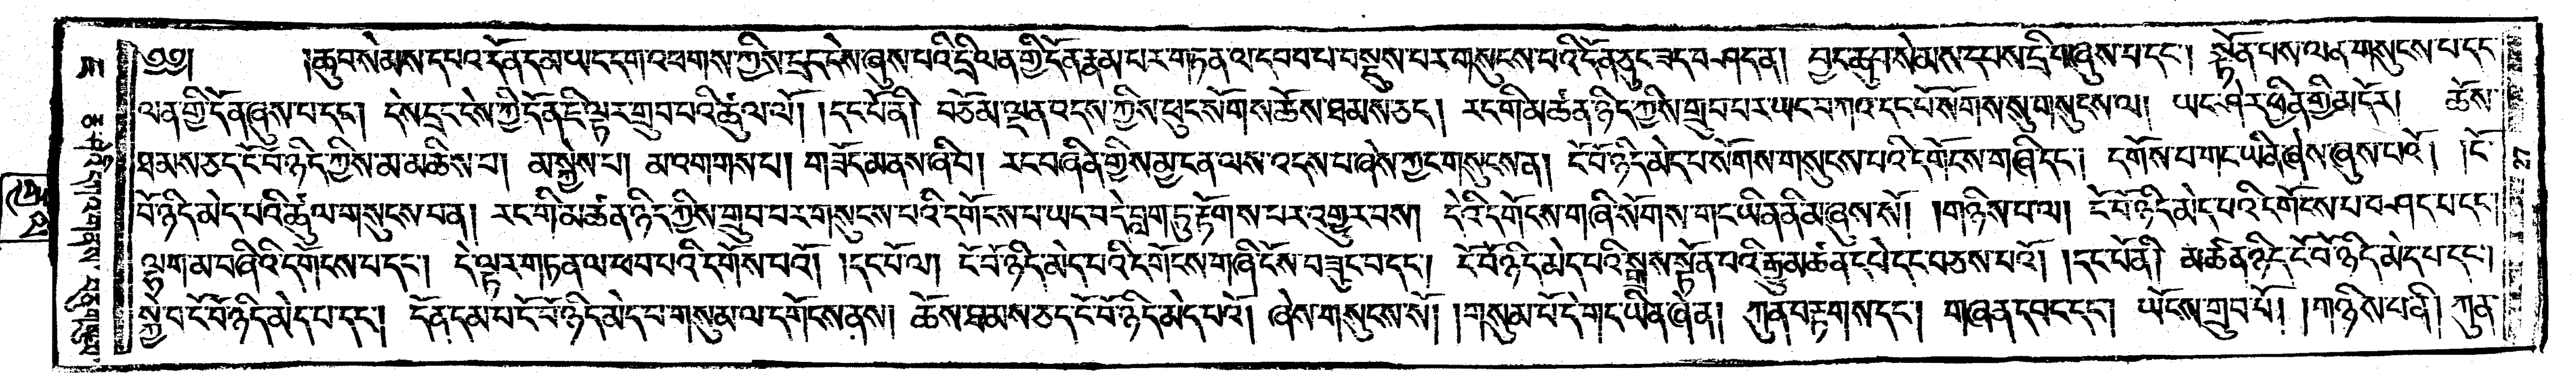༄༅། །ཆུབ་སེམས་དཔའ་དོན་དམ་ཡང་དག་འཕགས་ཀྱིས་དྲང་ངེས་ཞུས་པའི་དྲི་ལན་གྱི་དོན་རྣམ་པར་གཏན་ལ་དབབ་པ་བསྡུས་པར་གསུངས་པའི་དོན་ཅུང་ཟད་བཤད་ན། བྱང་ཆུབ་སེམས་དཔས་དྲི་བ་ཞུས་པ་དང་། སྟོན་པས་ལན་གསུངས་པ་དང་
ལན་གྱི་དོན་ཞུས་པ་དང་། དེས་དྲང་ངེས་ཀྱི་དོན་ཇི་ལྟར་གྲུབ་པའི་ཚུལ་ལོ། །དང་པོ་ནི། བཅོམ་ལྡན་འདས་ཀྱིས་ཕུང་སོགས་ཆོས་ཐམས་ཅད། རང་གི་མཚན་ཉིད་ཀྱིས་གྲུབ་པར་ཡང་བཀའ་དང་པོ་སོགས་སུ་གསུངས་ལ། ཡང་ཤེར་ཕྱིན་གྱི་མདོར། ཆོས་
ཐམས་ཅད་ངོ་བོ་ཉིད་ཀྱིས་མ་མཆིས་པ། མ་སྐྱེས་པ། མ་འགགས་པ། གཟོད་མ་ནས་ཞི་བ། རང་བཞིན་གྱིས་མྱ་ངན་ལས་འདས་པ་ཞེས་ཀྱང་གསུངས་ན། ངོ་བོ་ཉིད་མེད་པ་སོགས་གསུངས་པའི་དགོངས་གཞི་དང་། དགོས་པ་གང་ཡིན་ཞེས་ཞུས་པའོ། །ངོ་
བོ་ཉིད་མེད་པའི་ཚུལ་གསུངས་པ་ན། རང་གི་མཚན་ཉིད་ཀྱིས་གྲུབ་པར་གསུངས་པའི་དགོངས་པ་ཡང་བདེ་བླག་ཏུ་རྟོགས་པར་འགྱུར་བས། དེའི་དགོངས་གཞི་སོགས་གང་ཡིན་ནི་མ་ཞུས་སོ། །གཉིས་པ་ལ། ངོ་བོ་ཉིད་མེད་པའི་དགོངས་པ་བཤད་པ་དང་།
ལྷག་མ་བཞིའི་དགོངས་པ་དང་། དེ་ལྟར་གཏན་ལ་ཕབ་པའི་དགོས་པའོ། །དང་པོ་ལ། ངོ་བོ་ཉིད་མེད་པའི་དགོངས་གཞི་ངོས་བཟུང་བ་དང་། ངོ་བོ་ཉིད་མེད་པའི་སྒྲས་སྟོན་པའི་རྒྱུ་མཚན་དཔེ་དང་བཅས་པའོ། །དང་པོ་ནི། མཚན་ཉིད་ངོ་བོ་ཉིད་མེད་པ་དང་།
སྐྱེ་བ་ངོ་བོ་ཉིད་མེད་པ་དང་། དོན་དམ་པ་ངོ་བོ་ཉིད་མེད་པ་གསུམ་ལ་དགོངས་ནས། ཆོས་ཐམས་ཅད་ངོ་བོ་ཉིད་མེད་པའོ། ཞེས་གསུངས་སོ། །གསུམ་པོ་དེ་གང་ཡིན་ཞེ་ན། ཀུན་བརྟགས་དང་། གཞན་དབང་དང་། ཡོངས་གྲུབ་པོ། །གཉིས་པ་ནི། ཀུན་